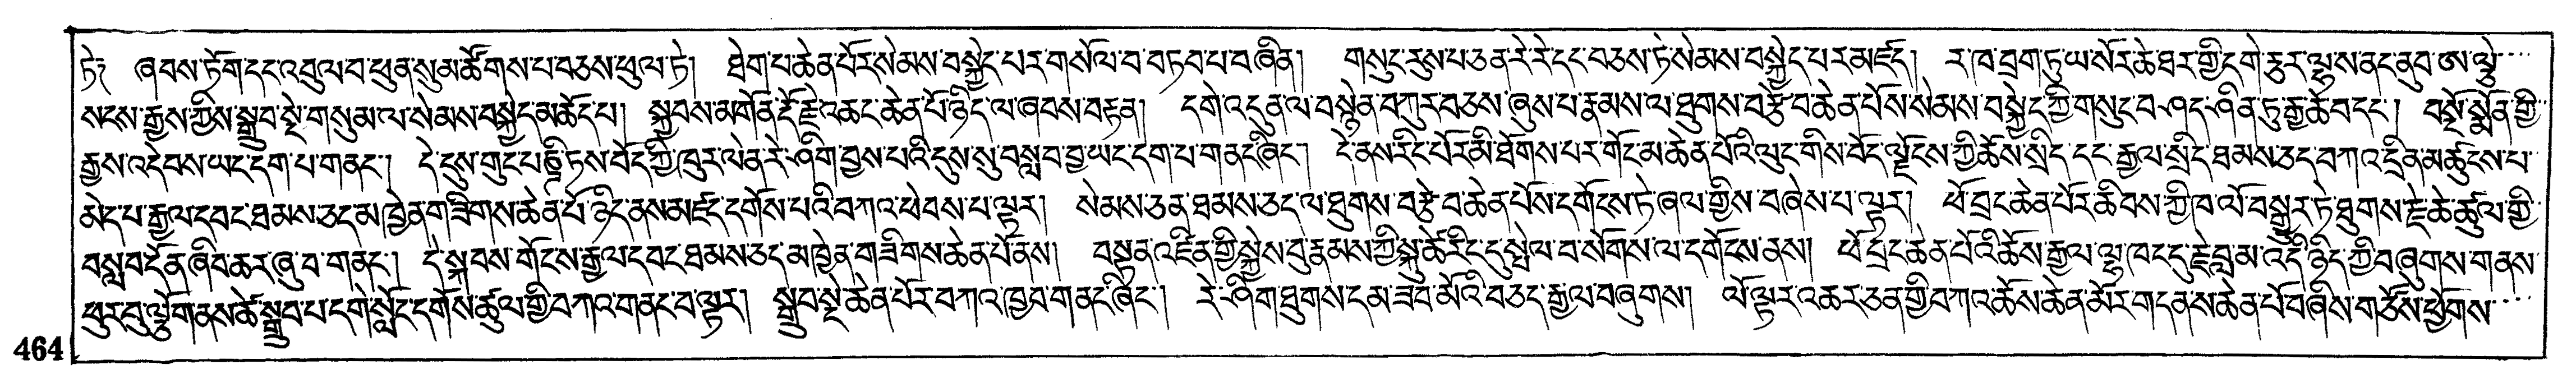ཏེ༑ ཞབས་ཏོག་དང་འབུལ་བ་ཕུན་སུམ་ཚོགས་པ་བཅས་ཕུལ་ཏེ། ཐེག་པ་ཆེན་པོར་སེམས་བསྐྱེད་པར་གསོལ་བ་བཏབ་པ་བཞིན། གསུང་རུས་པ་ཅན་རེ་རེ་དང་བཅས་ཏེ་སེམས་བསྐྱེད་པར་མཛད། ར་ཁ་བྲག་ཏུ་ཡ་སོར་ཆེ་ཐར་གྱི་དགེ་རྩར་ལྷ་ས་ནང་ནུབ་ཨ་ལྕེ་
སངས་རྒྱས་ཀྱིས་སྒྲུབ་སྡེ་གསུམ་ལ་སེམས་བསྐྱེད་མཆོད་པ། སྐྱབས་མགོན་རྡོ་རྗེ་འཆང་ཆེན་པོ་ཉིད་ལ་ཞབས་བརྟན། དགེ་འདུན་ལ་བསྙེན་བཀུར་བཅས་ཞུས་པ་རྣམས་ལ་ཐུགས་བརྩེ་བ་ཆེན་པོས་སེམས་བསྐྱེད་ཀྱི་གསུང་བཤད་ཤིན་ཏུ་རྒྱ་ཆེ་བ་དང་། བསྔོ་སྨོན་གྱི་
རྒྱས་འདེབས་ཡང་དག་པ་གནང་། དེ་དུས་གུང་པཎྜི་ཏས་བོད་ཀྱི་ཁུར་ལེན་རེ་ཤིག་བྱས་པའི་དུས་སུ་བསླབ་བྱ་ཡང་དག་པ་གནང་ཞིང་། དེ་ནས་རིང་པོར་མི་ཐོགས་པར་གོང་མ་ཆེན་པོའི་ལུང་གིས་བོད་ལྗོངས་ཀྱི་ཆོས་སྲིད་དང་རྒྱལ་སྲིད་ཐམས་ཅད་བཀའ་དྲིན་མཚུངས་པ་
མེད་པ་རྒྱལ་དབང་ཐམས་ཅད་མཁྱེན་གཟིགས་ཆེན་པོ་ཉིད་ནས་མཛད་དགོས་པའི་བཀའ་ཕེབས་པ་ལྟར། སེམས་ཅན་ཐམས་ཅད་ལ་ཐུགས་བརྩེ་པ་ཆེན་པོས་དགོངས་ཏེ་ཞལ་གྱིས་བཞེས་པ་ལྟར། ཕོ་བྲང་ཆེན་པོར་ཆིབས་ཀྱི་ཁ་ལོ་བསྒྱུར་ཏེ་ཐུགས་རྗེ་ཆེ་ཚུལ་གྱི་
བསླབ་དོན་ཞིབ་ཆར་ཞུ་བ་གནང་། དེ་སྐབས་གོང་ས་རྒྱལ་དབང་ཐམས་ཅད་མཁྱེན་གཟིགས་ཆེན་པོ་ནས། བསྟན་འཛིན་གྱི་སྐྱེས་བུ་རྣམས་ཀྱི་སྐུ་ཚེ་རིང་དུ་སྤེལ་བ་སོགས་ལ་དགོངས་ནས། ཕོ་བྲང་ཆེན་པོའི་ཆོས་རྒྱལ་ལྷ་ཁང་དུ་རྗེ་བླ་མ་འདི་ཉིད་ཀྱི་བཞུགས་གནས་
ཕུར་བུ་ལྕོག་ནས་ཚེ་སྒྲུབ་པ་དགེ་སློང་དགོས་ཚུལ་གྱི་བཀའ་གནང་བ་ལྟར། སྒྲུབ་སྡེ་ཆེན་པོར་བཀའ་ཁྱབ་གནང་ཞིང་། རེ་ཤིག་ཐུགས་དམ་ཟབ་མོའི་བཅད་རྒྱལ་བཞུགས། ལོ་ལྟར་འཆར་ཅན་གྱི་བཀའ་ཆོས་ཆེན་མོར་གདན་ས་ཆེན་པོ་བཞིས་གཙོས་ཕྱོགས་